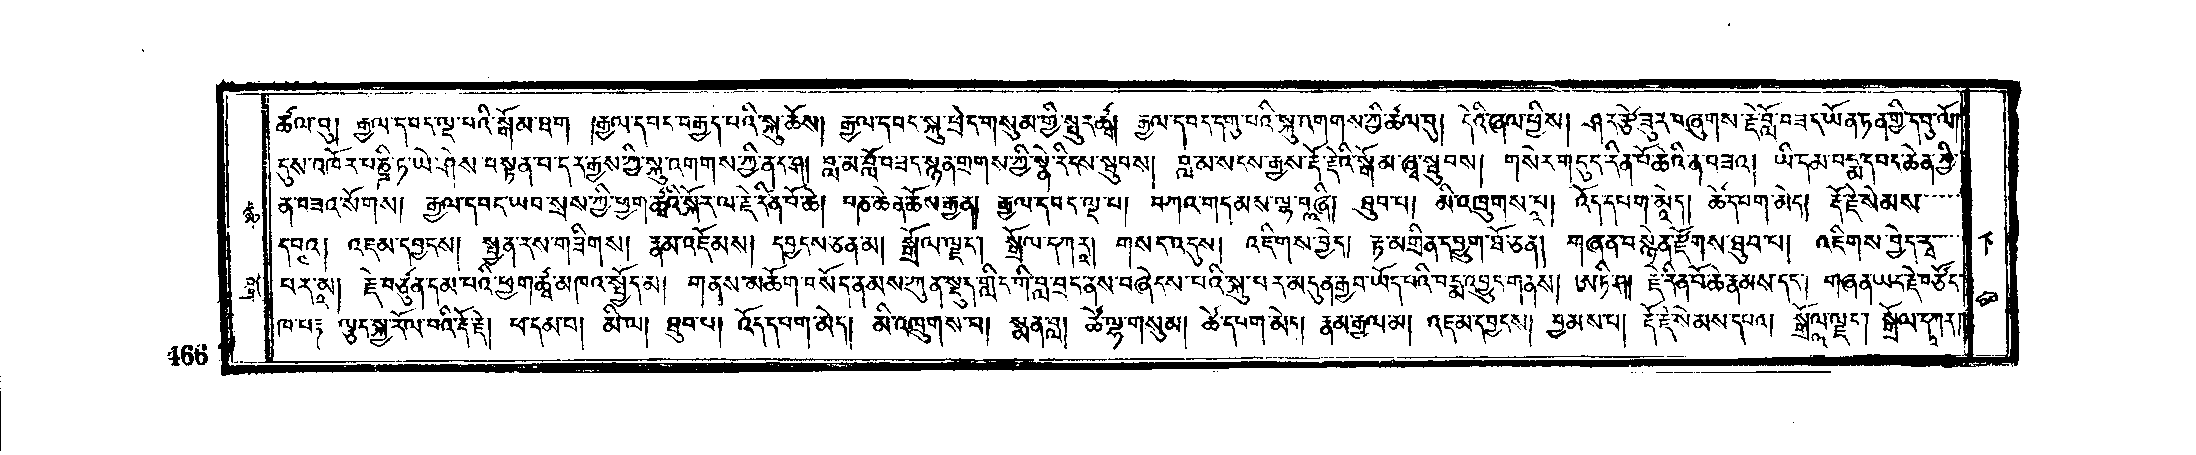ཚལ་བུ། རྒྱལ་དབང་ལྔ་པའི་སྒོམ་ཐག །རྒྱལ་དབང་བརྒྱད་པའི་སྐུ་ཆོས། རྒྱལ་དབང་སྐུ་ཕྲེང་གསུམ་གྱི་སྤུར་ཚྭ། རྒྱལ་དབང་དགུ་པའི་སྐུ་འགགས་ཀྱི་ཚལ་བུ། དེའི་ཞལ་ཕྱིས། ཤར་རྩེ་ཟུར་བཞུགས་རྗེ་བློ་བཟང་ཡོན་ཏན་གྱི་དབུ་ལོ།
དུས་འཁོར་པཎྜི་ཏ་ཡེ་ཤེས་བསྟན་པ་དར་རྒྱས་ཀྱི་སྐུ་འགགས་ཀྱི་ནང་ཤ། བླ་མ་བློ་བཟང་སྙན་གྲགས་ཀྱི་སྣེ་རིངས་སྦུབས། བླ་མ་སངས་རྒྱས་རྡོ་རྗེའི་སྒོམ་ཞྭ་སྦུབས། གསེར་གདུང་རིན་པོ་ཆེའི་ན་བཟའ། ཡི་དམ་པདམ་དབང་ཆེན་ཀྱི་
ན་བཟའ་སོགས། རྒྱལ་དབང་ཡབ་སྲས་ཀྱི་ཕྱག་ཚྭའི?་སྐོར་ལ་རྗེ་རིན་པོ་ཆེ། པཎ་ཆེན་ཆོས་རྒྱན། རྒྱལ་དབང་ལྔ་པ། བཀའ་གདམས་ལྷ་བཞི༣། ཐུབ་པ། མི་འཁྲུགས་པ༢། འོད་དཔག་མེད༢། ཚེ་དཔག་མེད། རྡོ་རྗེ་སེམས་
དཔའ༤། འཇམ་དབྱངས། སྤྱན་རས་གཟིགས། རྣམ་འཇོམས། དབྱངས་ཅན་མ། སྒྲོལ་ལྗང་། སྒྲོལ་དཀར༢། གསང་འདུས། འཇིགས་བྱེད། རྟ་མགྲིན་དབྱུག་ཐོ་ཅན། གཞན་བསྙེན་རྫོགས་ཐུབ་པ། འཇིགས་བྱེད་རྭ་
པར་མ༢། རྗེ་བཙུན་དམ་པའི་ཕྱག་ཚྭ་མཁའ་སྤྱོད་མ། གནས་མཆོག་བསོད་ནམས་ཀུན་སྡུད་གླིང་གི་བླ་བྲང་ནས་བཞེངས་པའི་སྐུ་པར་མདུན་རྒྱབ་ཡོད་པའི་པདམ་འབྱུང་གནས། ཨ་ཏི་ཤ། རྗེ་རིན་པོ་ཆེ་རྣམས་དང་། གཞན་ཡང་རྗེ་བཙོང་
ཁ་པ༑ ལྕང་སྐྱ་རོལ་པའི་རྡོ་རྗེ། ཕ་དམ་པ། མི་ལ། ཐུབ་པ། འོད་དཔག་མེད། མི་འཁྲུགས་པ། སྨན་བླ། ཚེ་ལྷ་གསུམ། ཚེ་དཔག་མེད། རྣམ་རྒྱལ་མ། འཇམ་དབྱངས། བྱམས་པ། རྡོ་རྗེ་སེམས་དཔའ། སྒྲོལ༣་ལྗང་། སྒྲོལ་དཀར༢།